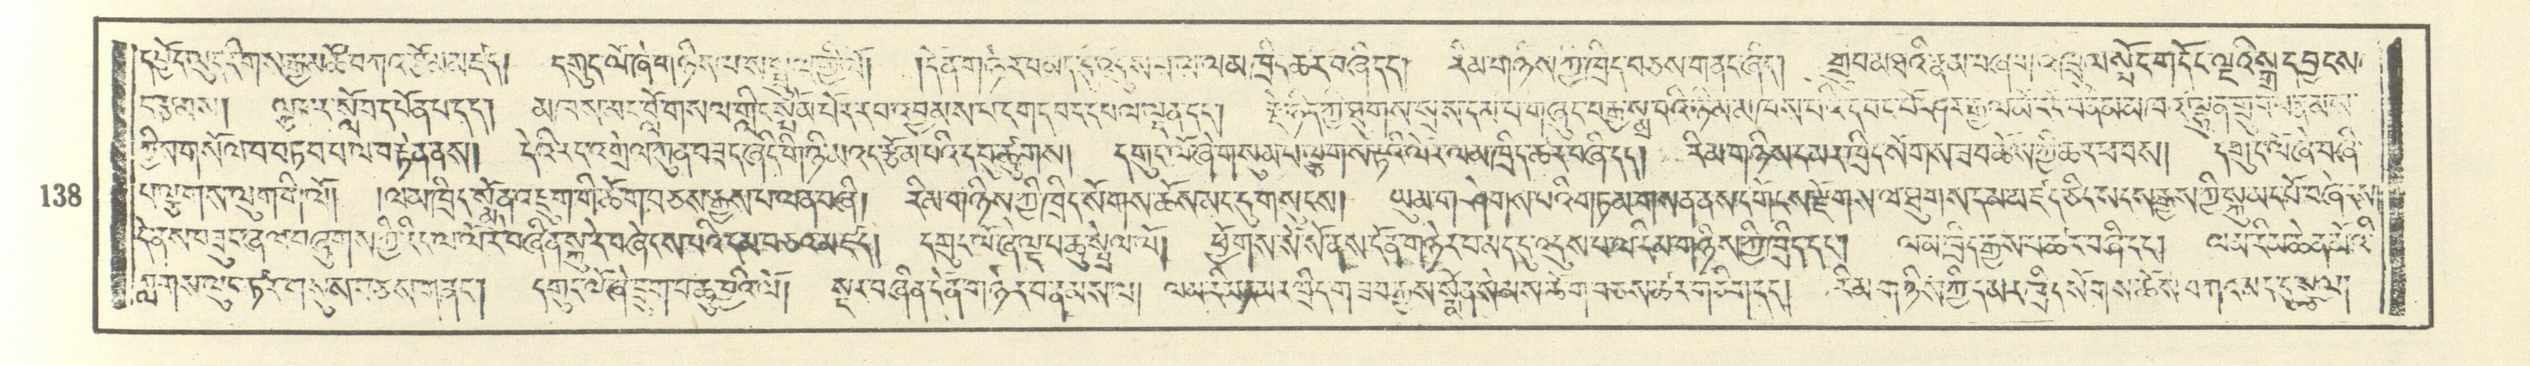དཔྱོད་ལུང་རིགས་རྒྱ་མཚོ་བཀའ་རྩོམ་མཛད། དགུང་ལོ་ཞེ་གཉིས་པས་སྤྲུལ་གྱི་ལོ། །དོན་གཉེར་བམ་ད་དུ་འདུས་པ་ལ་ལམ་ཁྲིད་ཚར་བཞི་དང་། རིམ་གཉིས་ཀྱི་ཁྲིད་བཅས་གནང་ཞིང་། གྲུབ་མཐའི་རྣམ་བཞག་འཁྲུལ་སྤོད་གདོང་ལྔའི་སྒྲ་དབྱངས་
བརྩམས། ལྕང་ར་སློབ་དཔོན་པ་དང་། མཁས་མང་བློ་གསལ་གླིང་སྤོམ་པོར་རབ་འབྱམས་པ་ངག་དབང་དཔལ་ལྡན་དང་། རྗེ་ཉིད་ཀྱི་ཐུགས་སྲས་དམ་པ་གཞུང་བརྒྱ་སྨྲ་བའི་ཉི་མ་མཁས་པའི་དབང་པོ་ཤར་རྒྱལ་མོ་རོང་བ་ནམ་མཁའ་ལྷུན་གྲུབ་པ་རྣམས་
ཀྱིས་གསོལ་བ་བཏབ་པ་ལ་བརྟེན་ནས། དེའི་རང་འགྲེལ་ཀུན་བཟང་ཞིང་གི་ཉི་མའང་རྩོམ་པའི་དབུ་ཚུགས། དགུང་ལོ་ཞེ་གསུམ་པ་ལྕགས་རྟའི་ལོར་ལམ་ཁྲིད་ཚར་བཞི་དང་། རིམ་གཉིས་དམར་ཁྲིད་སོགས་ཟབ་ཆོས་ཀྱི་ཆར་ཕབས། དགུང་ལོ་ཞེ་བཞི་
པ་ལྕགས་ལུག་གི་ལོ། །ལམ་ཁྲིད་སྨོན་འཇུག་གི་ཆོ་ག་བཅས་རྒྱས་པ་ལན་བཞི། རིམ་གཉིས་ཀྱི་ཁྲིད་སོགས་ཆོས་མང་དུ་གསུངས། ཡུམ་གཤེགས་པའི་གཏམ་གསན་ནས་དགོངས་རྫོགས་ལ་ཐུགས་དམ་མཛད་ཅིང་སངས་རྒྱས་ཀྱི་སྐུ་མང་པོ་བཞེངས་
དེ་ནས་བཟུང་ཞལ་བཞུགས་ཀྱི་རིང་ལ་ལོ་རེ་བཞིན་སྐུ་རེ་བཞེངས་པའི་དམ་བཅའ་མཛད། དགུང་ལོ་ཞེ་ལྔ་པ་ཆུ་སྤྲེལ་ལོ། ཕྱོགས་སོ་སོ་ནས་དོན་གཉེར་བ་མང་དུ་འདུས་པ་ལ་རིམ་གཉིས་ཀྱི་ཁྲིད་དང་། ལམ་ཁྲིད་རྒྱས་པ་ཚར་བཞི་དང་། ལམ་རིམ་ཆེན་མོའི་
ཀླགས་ལུང་ཚར་གསུམ་བཅས་གནང་། དགུང་ལོ་ཞེ་དྲུག་པ་ཆུ་བྱའི་ལོ། སྔར་བཞིན་དོན་གཉེར་བ་རྣམས་ལ། ལམ་རིམ་དམར་ཁྲིད་གཟབ་རྒྱས་སྨོན་སེམས་ཆོ་ག་བཅས་ཚར་གཅིག་དང་། རིམ་གཉིས་ཀྱི་དམར་ཁྲིད་སོགས་ཆོས་བཀའ་མང་དུ་སྩལ།